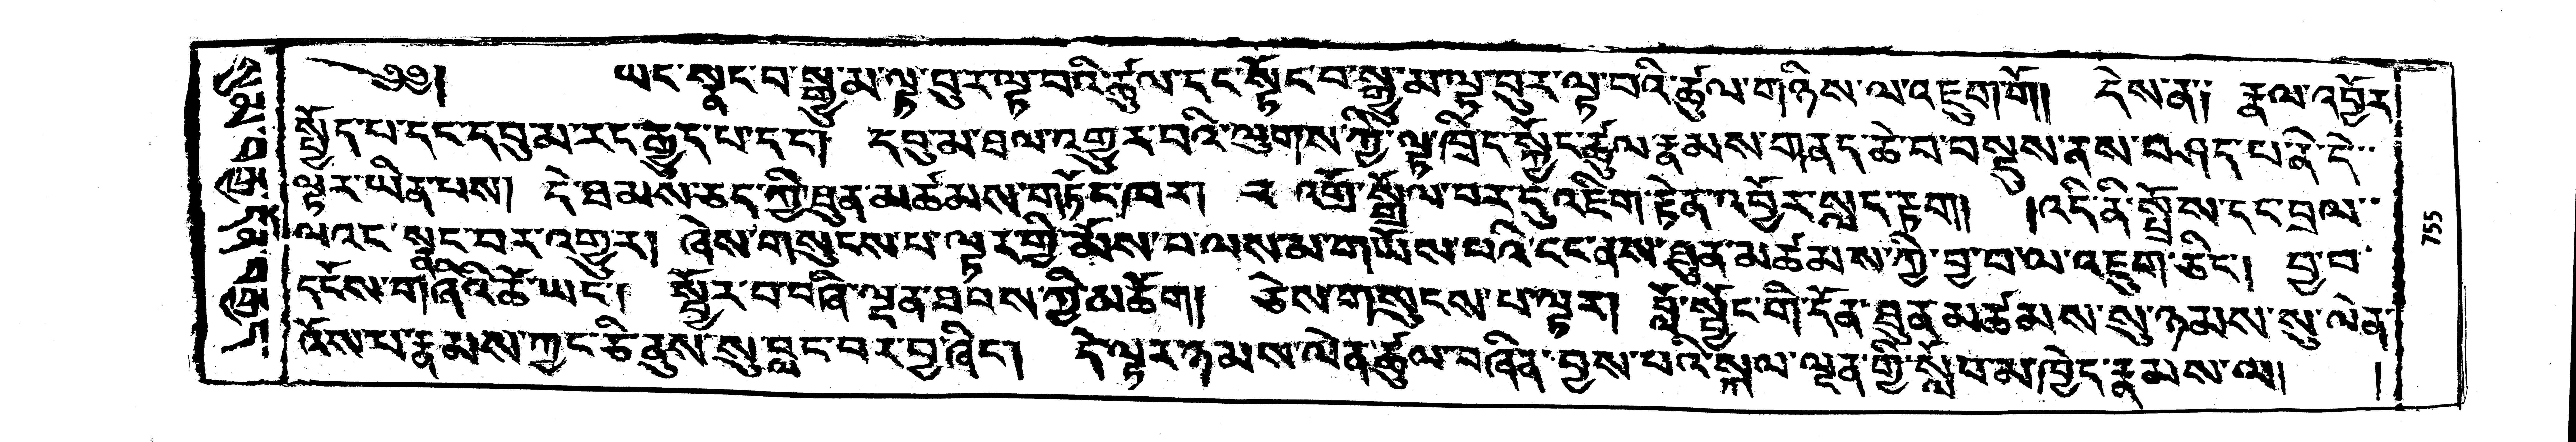༄༅། །ཡང་སྣང་བ་སྒྱུ་མ་ལྟ་བུར་ལྟ་བའི་ཚུལ་དང་སྟོང་པ་སྒྱུ་མ་ལྟ་བུར་ལྟ་བའི་ཚུལ་གཉིས་ལ་འཇུག་གོ། དེས་ན། རྣལ་འབྱོར་
སྤྱོད་པ་དང་དབུ་མ་རང་རྒྱུད་པ་དང་། དབུ་མ་ཐལ་འགྱུར་བའི་ལུགས་ཀཡ་ལྟ་ཁྲིད་སྐྱོང་ཚུལ་རྣམས་གནད་ཆེ་བ་བསྡུས་ནས་བཤད་པ་ནི་དེ་
ལྟར་ཡིན་པས། དེ་ཐམས་ཅད་ཀྱི་ཐུན་མཚམས་གཏོང་ཁར། འགྲོ་སྒྲོལ་བར་དུ་འཇིག་རྟེན་འབྱོར་སླད་རྟག། །འདི་ནི་སྤྲོས་དང་བྲལ་
ལའང་སྣང་བར་འགྱུར། ཞེས་གསུངས་པ་ལྟར་གྱི་མོས་པ་ལས་མ་གཡོས་པའི་ངང་ནས་ཐུན་མཚམས་ཀྱི་བྱ་བ་ལ་འཇུག་ཅིང་། བྱ་བ་
དངོས་གཞིའི་ཚེ་ཡང་། སྦྱོར་བ་བཞི་ལྡན་ཐབས་ཀྱི་མཆོག། ཅེས་གསུངས་པ་ལྟར། བློ་སྦྱོང་གི་དོན་ཐུན་མཚམས་སུ་ཉམས་སུ་ལེན་
འོས་པ་རྣམས་ཀྱང་ཅི་ནུས་སུ་བླང་བར་བྱ་ཞིང་། དེ་ལྟར་ཉམས་ལེན་ཚུལ་བཞིན་བྱས་པའི་སྐལ་ལྡན་གྱི་སློབ་མ་ཁྱེད་རྣམས་ལ། །